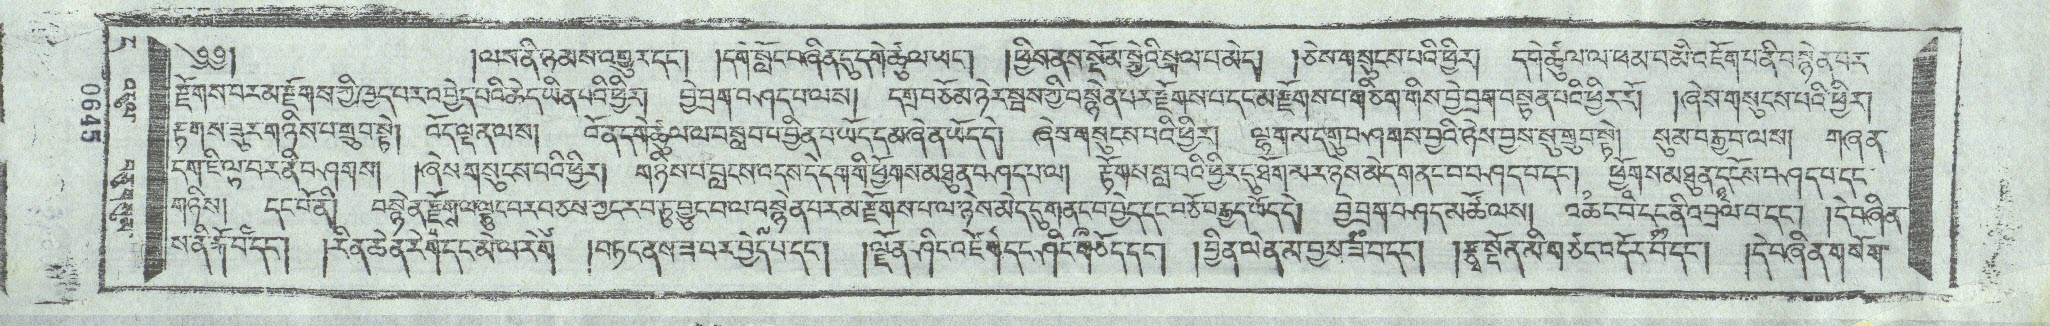༄༅། །ལས་ནི་ཉམས་འགྱུར་དང་། །དགེ་སློང་བཞིན་དུ་དགེ་ཚུལ་ཡང་། །ཕྱིས་ནས་སྡོམ་སྐྱེའི་སྐལ་པ་མེད། །ཅེས་གསུངས་པའི་ཕྱིར། དགེ་ཚུལ་ལ་ཕམ་པ་མི་འཇོག་པ་ནི་བསྙེན་པར་
རྫོགས་པར་མ་རྫོགས་ཀྱི་ཁྱད་པར་འབྱེད་པའི་ཆེད་ཡིན་པའི་ཕྱིར། བྱེ་བྲག་བཤད་པ་ལས། དགྲ་བཅོམ་ཉེར་སྦས་ཀྱི་བསྙེན་པར་རྫོགས་པ་དང་མ་རྫོགས་པ་གཅིག་གིས་བྱེ་བྲག་བསྟན་པའི་ཕྱིར་རོ། །ཞེས་གསུངས་པའི་ཕྱིར།
རྟགས་ཟུར་གཉིས་པ་གྲུབ་སྟེ། འོད་ལྡན་ལས། འོ་ན་དགེ་ཚུལ་ལ་བསླབ་པ་བྱིན་པ་ཡོད་དམ་ཞེ་ན་ཡོད་དེ། ཞེས་གསུངས་པའི་ཕྱིར། ལྷག་མ་དགུ་བཤགས་བྱའི་ཉེས་བྱས་སུ་གྲུབ་སྟེ། སུམ་བརྒྱ་བ་ལས། གཞན་
དག་ཇི་ལྟ་བར་ནི་བཤགས། །ཞེས་གསུངས་པའི་ཕྱིར། གཉིས་པ་བླངས་འདས་དེ་དག་གི་ཕྱོགས་མཐུན་བཤད་པ་ལ། རྟོགས་སླ་བའི་ཕྱིར་དུ་ཐོག་མར་ཉེས་མེད་གནང་བ་བཤད་པ་དང་། ཕྱོགས་མཐུན་དངོས་བཤད་པ་དང་
གཉིས། དང་པོ་ནི། བསྙེན་རྫོགས་ལ་ལྟུང་བར་བཅས་ཀྱང་རབ་ཏུ་བྱུང་བ་ལ་བསྙེན་པར་མ་རྫོགས་པ་ལ་ཉེས་མེད་དུ་གནང་བ་བྱེད་དང་བཅོ་བརྒྱད་ཡོད་དེ། བྱེ་བྲག་བཤད་མཚོ་ལས། འཆང་བ་དང་ནི་འབྲལ་བ་དང་། །དེ་བཞིན་
ས་ནི་རྐོ་བ་དང་། །རིན་ཆེན་རེག་དང་མེ་ལ་རེག །བཏང་ནས་ཟ་བར་བྱེད་པ་དང་། །ལྗོན་ཤིང་འཛེག་དང་ཤིང་གཅོད་དང་། །བྱིན་ལེན་མ་བྱས་ཟ་བ་དང་། །རྩྭ་སྔོན་མི་གཙང་འདོར་བ་དང་། །དེ་བཞིན་གསོག་